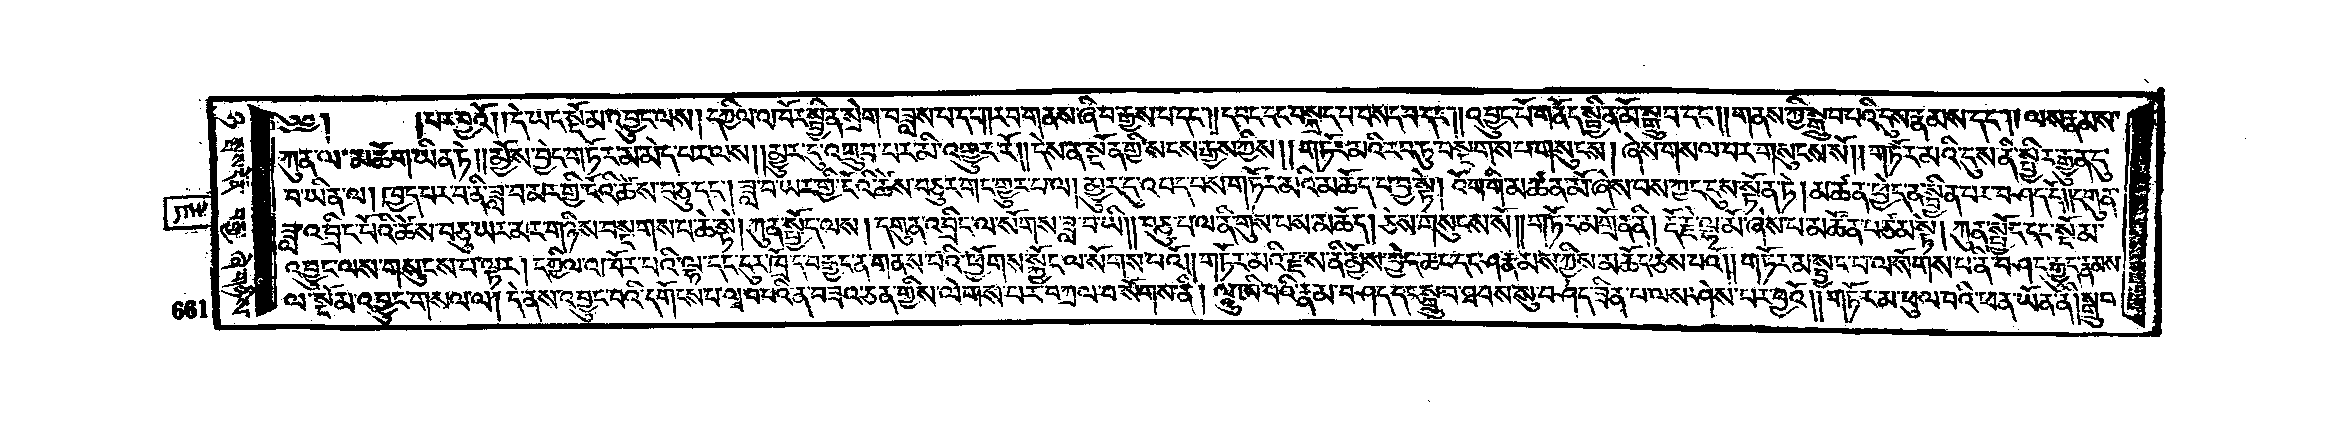༄༅། །པར་བྱའོ། །དེ་ཡང་སྡོམ་འབྱུང་ལས། དཀྱིལ་འཁོར་སྦྱིན་སྲེག་བཟླས་པ་དང་། །རབ་གནས་ཞི་བ་རྒྱས་པ་དང་། །དབང་དང་བསྐྲད་པ་བསད་པ་དང་། །འབྱུང་པོ་གནོད་སྦྱིན་མོ་སྒྲུབ་དང་། །གནས་ཀྱི་སྒྲུབ་པའི་དུས་རྣམས་དང་། །ལས་རྣམས་
ཀུན་ལ་མཆོག་ཡིན་ཏེ། །མྱོས་བྱེད་གཏོར་མ་མེད་པར་ལས། །མྱུར་དུ་འགྲུབ་པར་མི་འགྱུར་རོ། །དེས་ན་སྔོན་གྱི་སངས་རྒྱས་ཀྱིས། །གཏོར་མའི་རབ་ཏུ་བསྔགས་པ་གསུངས། ཞེས་གསལ་བར་གསུངས་སོ། །གཏོར་མའི་དུས་ནི་སྤྱིར་རྒྱུན་དུ་
བ་ཡིན་ལ། ཁྱད་པར་བ་ནི་ཟླ་བ་མར་གྱི་ངོའི་ཚེས་བཅུ་དང་། ཟླ་བ་ཡར་གྱི་ངོའི་ཚེས་བཅུར་གང་གྱུར་པ་ལ། མྱུར་དུ་འབད་པས་གཏོར་མའི་མཆོད་པ་བྱ་སྟེ། འོག་གི་མཚན་མོ་ཞེས་པས་ཀྱང་དུས་སྟོན་ཏེ། མཚན་ཕྱེད་ན་སྦྱིན་པར་བཤད་དོ། །དགུན་
ཟླ་འབྲིང་པོའི་ཚེས་བཅུ་ཡར་མར་གཉིས་བསྔགས་པ་ཆེ་སྟེ། ཀུན་སྤྱོད་ལས། དགུན་འབྲིང་ལ་སོགས་ཟླ་བ་ཡི། །བཅུ་པ་ལ་ནི་གུས་པས་མཆོད། ཅེས་གསུངས་སོ། །གཏོར་མགྲོན་ནི། རྡོ་རྗེ་ལྷ་མོ་ཞེས་པ་མཚོན་པ་ཙམ་སྟེ། ཀུན་སྤྱོད་དང་སྡོམ་
འབྱུང་ལས་གསུངས་པ་ལྟར། དཀྱིལ་འཁོར་པའི་ལྷ་དང་དུར་ཁྲོད་བརྒྱད་ན་གནས་པའི་ཕྱོགས་སྐྱོང་ལ་སོགས་པའོ། །གཏོར་མའི་རྫས་ནི་མྱོས་བྱེད་ཆང་དང་ཤ་རྣམས་ཀྱིས་མཆོད་ཅེས་པའོ། །གཏོར་མ་སྦྱང་བ་ལ་སོགས་པ་ནི་བཤད་རྒྱུད་རྣམས་
ལ་སྡོམ་འབྱུང་གསལ་ལ། དེ་ནས་འབྱུང་བའི་དགོངས་པ་ལྭ་བ་པའི་ན་བཟའ་ཅན་གྱིས་ལེགས་པར་བཀྲལ་བ་སོགས་ནི། ལཱུ་ཨི་པའི་རྣམ་བཤད་དང་སྒྲུབ་ཐབས་སུ་བཤད་ཟིན་པ་ལས་ཤེས་པར་བྱའོ། །གཏོར་མ་ཕུལ་བའི་ཕན་ཡོན་ནི། སྒྲུབ་